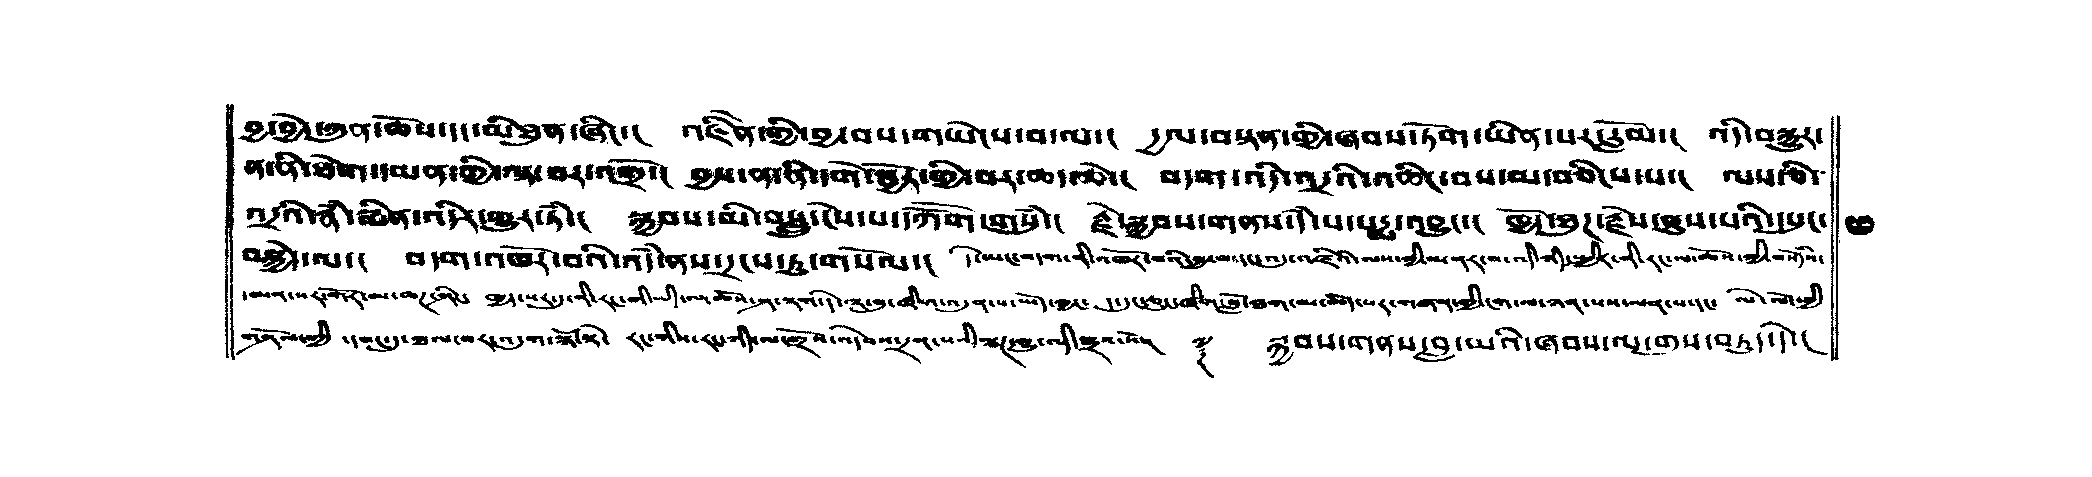།བྱ་བྱེད་ཀུན་ཆོས་དང་མི་མཐུན་ཞིང་། །འཇིག་རྟེན་གྱི་བྱ་བས་གཡེངས་པ་ལ། །རྒྱལ་བསྟན་གྱི་ཞབས་ཏོག་ཡིན་པར་རློམ། །འདི་བསྐྱུར་
ན་ནི་ཐེག་དམན་གྱི་ལྟ་བར་འགྲོ། །བྱས་ན་ནི་དགེ་སྦྱོར་གྱི་བར་ཆད་ཆེ། །བདག་འདི་འདྲའི་འཆིང་བས་མ་བཅིངས་བ། །ལས་ཅི་
འདྲའི་རྣམ་སྨིན་འདིར་གྱུར་ཏམ། །སྐྱབས་མི་བསླུ་ངེས་པ་དཀོན་མཆོག་གསུམ། །རྗེ་སྐྱབས་གནས་དམ་པ་པདྨ་འབྱུང་། །ཁྱོད་ཐུགས་རྗེས་ནུས་པའི་དཔུང་
བསྐྱེད་ལ། །བདག་འཁོར་བའི་འདམ་ལས་དྲང་དུ་གསོལ།།དེ་ཡང་བདག་འཁོར་བའི་བྱ་བ་དང་འདུ་འཛིའི་ལས་ཀྱི་མནར་བ་འདི་ཉིད་སྤྱིར་ནི་རང་ལ་ཆོས་ཀྱི་བསོད་ནམས་
དམན་པར་གོར་མ་ཆགསཤིང་། ཁྱད་པར་དུ་ནི་རང་གི་ཡིད་ལ་ཆོས་ཤ་སྟག་དེ་ལྟ་བུ་ཞིག་འདུན་པ་ཡོད་ཀྱང་། ད་དུང་ཅུང་ཞིག་བློ་ཐག་མ་ཆོད་པར་གཞན་གྱི་ངག་ལ་ཉན་པས་ལན་པ་དང་། ལེ་ལོ་ཕྱི་
བཤོལ་གྱི་དབང་དུ་ཐལ་བར་འདུག་སྙམ་སྟེ། རང་གིས་རང་ཉིད་ལ་གྲོས་འདེབས་དྲན་པའི་ལྕགས་སྐྱུ་འདི་སྨྲསསོ།། ༄༅། སྐྱབས་གནས་བླ་མའི་ཞབས་ལ་གུས་བཏུད་དེ།